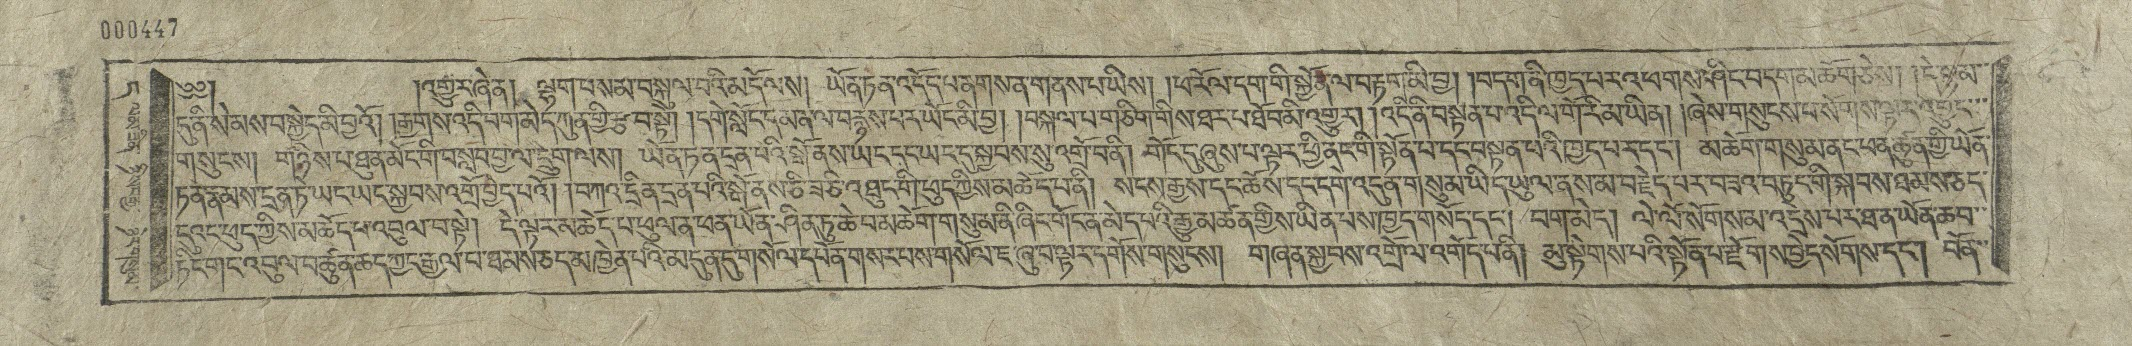༄༅། །འགྱུར་ཞེ་ན། ལྷག་བསམ་བསྐུལ་བའི་མདོ་ལས། ཡོན་ཏན་འདོད་པ་ནགས་ན་གནས་པ་ཡིས། །ཕ་རོལ་དག་གི་སྐྱོན་ལ་བརྟག་མི་བྱ། །བདག་ནི་ཁྱད་པར་འཕགས་ཤིང་བདག་མཆོག་ཅེས། །དེ་སྙམ་
དུ་ནི་སེམས་བསྐྱེད་མི་བྱའོ། །རྒྱགས་འདི་བག་མེད་ཀུན་གྱི་རྩ་བ་སྟེ། །དགེ་སློང་དམན་ལ་བརྙས་པར་ཡོང་མི་བྱ། །བསྐལ་པ་གཅིག་གིས་ཐར་པ་ཐོབ་མི་འགྱུར། །འདི་ནི་བསྟན་པ་འདི་ལ་གོ་རིམ་ཡིན། །ཞེས་གསུངས་པ་སོགས་ལྟར་འབྱུང་
གསུངས། གཉིས་པ་ཐུན་མོང་གི་བསླབ་བྱ་ལ་དྲུག་ལས། ཡོན་ཏན་དྲན་པའི་སྒོ་ནས་ཡང་དང་ཡང་དུ་སྐྱབས་སུ་འགྲོ་བ་ནི། གོང་དུ་ཞུས་པ་ལྟར་ཕྱི་ནང་གི་སྟོན་པ་དང་བསྟན་པའི་ཁྱད་པར་དང་། མཆོག་གསུམ་ནང་ཕན་ཚུན་གྱི་ཡོན་
ཏན་རྣམས་དྲན་ཏེ་ཡང་ཡང་སྐྱབས་འགྲོ་བྱེད་པའོ། །བཀའ་དྲིན་དྲན་པའི་སྒོ་ནས་ཅི་ཟ་ཅི་འཐུང་གི་ཕུད་ཀྱིས་མཆོད་པ་ནི། སངས་རྒྱས་དང་ཆོས་དང་དགེ་འདུན་གསུམ་ཡིད་ཡུལ་ནས་མ་བརྗེད་པར་བཟའ་བཏུང་གི་སྐབས་ཐམས་ཅད་
དུའང་ཕུད་ཀྱིས་མཆོད་པ་འབུལ་བ་སྟེ། དེ་ལྟར་མཆོད་པ་ཕུལ་ན་ཕན་ཡོན་ཤིན་ཏུ་ཆེ་བ་མཆོག་གསུམ་ནི་ཞིང་གོང་ན་མེད་པའི་རྒྱུ་མཚན་གྱིས་ཡིན་པས་ཁྱད་གསོད་དང་། བག་མེད། ལེ་ལོ་སོགས་མ་འདྲེས་པར་ཐ་ན་ཡོན་ཆབ་
ཏིང་གང་འབུལ་བ་ཚུན་ཆད་ཀྱང་རྒྱལ་བ་ཐམས་ཅད་མཁྱེན་པའི་མདུན་དུ་གསོལ་དཔོན་གསར་པས་གསོལ་ཇ་ཞུ་བ་ལྟར་དགོས་གསུངས། གཞན་སྐྱབས་འགྲོ་ལ་འགོད་པ་ནི། མུ་སྟེགས་པའི་སྟོན་པ་རྫོགས་བྱེད་སོགས་དང་། བོན་